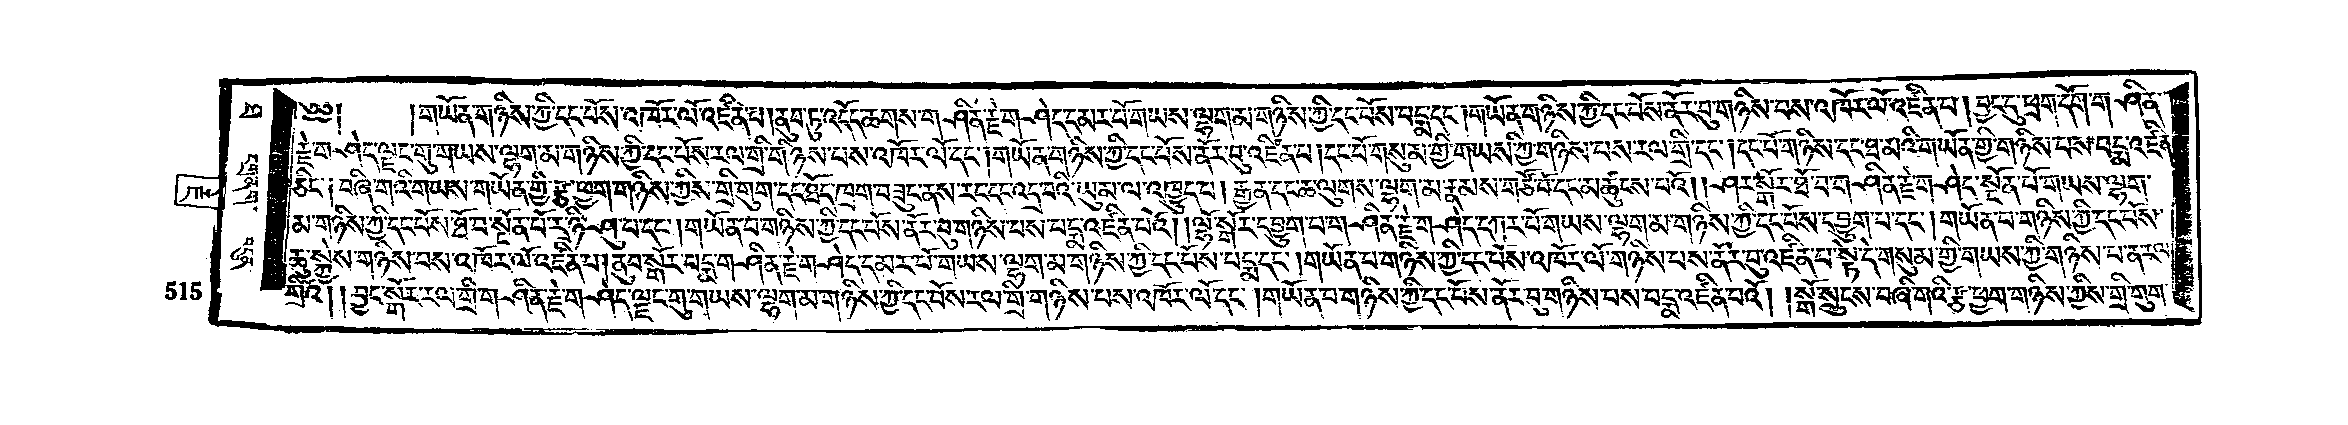༄༅། །གཡོན་གཉིས་ཀྱི་དང་པོས་འཁོར་ལོ་འཛིན་པ། ནུབ་ཏུ་འདོད་ཆགས་གཤིན་རྗེ་གཤེད་དམར་པོ་གཡས་ལྷག་མ་གཉིས་ཀྱི་དང་པོས་པདམ་དང་། གཡོན་གཉིས་ཀྱི་དང་པོས་ནོར་བུ་གཉིས་པས་འཁོར་ལོ་འཛིན་པ། བྱང་དུ་ཕྲག་དོག་གཤིན་
རྗེ་གཤེད་ལྗང་གུ་གཡས་ལྷག་མ་གཉིས་ཀྱི་དང་པོས་རལ་གྲི་གཉིས་པས་འཁོར་ལོ་དང་། གཡོན་གཉིས་ཀྱི་དང་པོས་ནོར་བུ་འཛིན་པ། དང་པོ་གསུམ་གྱི་གཡས་ཀྱི་གཉིས་པས་རལ་གྲི་དང་། དང་པོ་གཉིས་དང་ཐ་མའི་གཡོན་གྱི་གཉིས་པས་པདམ་འཛིན་
ཅིང་། བཞི་གའི་གཡས་གཡོན་གྱི་རྩ་ཕྱག་གཉིས་ཀྱིས་གྲི་གུག་དང་ཐོད་ཁྲག་བཟུང་ནས་རང་དང་འདྲ་བའི་ཡུམ་ལ་འཁྱུད་པ། རྒྱན་དང་ཆ་ལུགས་ལྷག་མ་རྣམས་གཙོ་བོ་དང་མཚུངས་པའོ། །ཤར་སྒོར་ཐོ་བ་གཤིན་རྗེ་གཤེད་སྔོན་པོ་གཡས་ལྷག་
མ་གཉིས་ཀྱི་དང་པོས་ཐོ་བ་སྔོན་པོ་རྭ་ཉི་ཤུ་པ་དང་། གཡོན་པ་གཉིས་ཀྱི་དང་པོས་ནོར་བུ་གཉིས་པས་པདམ་འཛིན་པའོ། །ལྷོ་སྒོར་དབྱུག་པ་གཤིན་རྗེ་གཤེད་དཀར་པོ་གཡས་ལྷག་མ་གཉིས་ཀྱི་དང་པོས་དབྱུག་པ་དང་། གཡོན་པ་གཉིས་ཀྱི་དང་པོས་
ཆུ་སྐྱེས་གཉིས་པས་འཁོར་ལོ་འཛིན་པ། ནུབ་སྒོར་པདམ་གཤིན་རྗེ་གཤེད་དམར་པོ་གཡས་ལྷག་མ་གཉིས་ཀྱི་དང་པོས་པདམ་དང་། གཡོན་པ་གཉིས་ཀྱི་དང་པོས་འཁོར་ལོ་གཉིས་པས་ནོར་བུ་འཛིན་པ་སྟེ་དེ་གསུམ་གྱི་གཡས་ཀྱི་གཉིས་པ་ན་རལ་
གྲིའོ། །བྱང་སྒོར་རལ་གྲི་གཤིན་རྗེ་གཤེད་ལྗང་གུ་གཡས་ལྷག་མ་གཉིས་ཀྱི་དང་པོས་རལ་གྲི་གཉིས་པས་འཁོར་ལོ་དང་། གཡོན་པ་གཉིས་ཀྱི་དང་པོས་ནོར་བུ་གཉིས་པས་པདམ་འཛིན་པའོ། །སྒོ་སྲུངས་བཞི་གའི་རྩ་ཕྱག་གཉིས་ཀྱིས་གྲི་གུག་